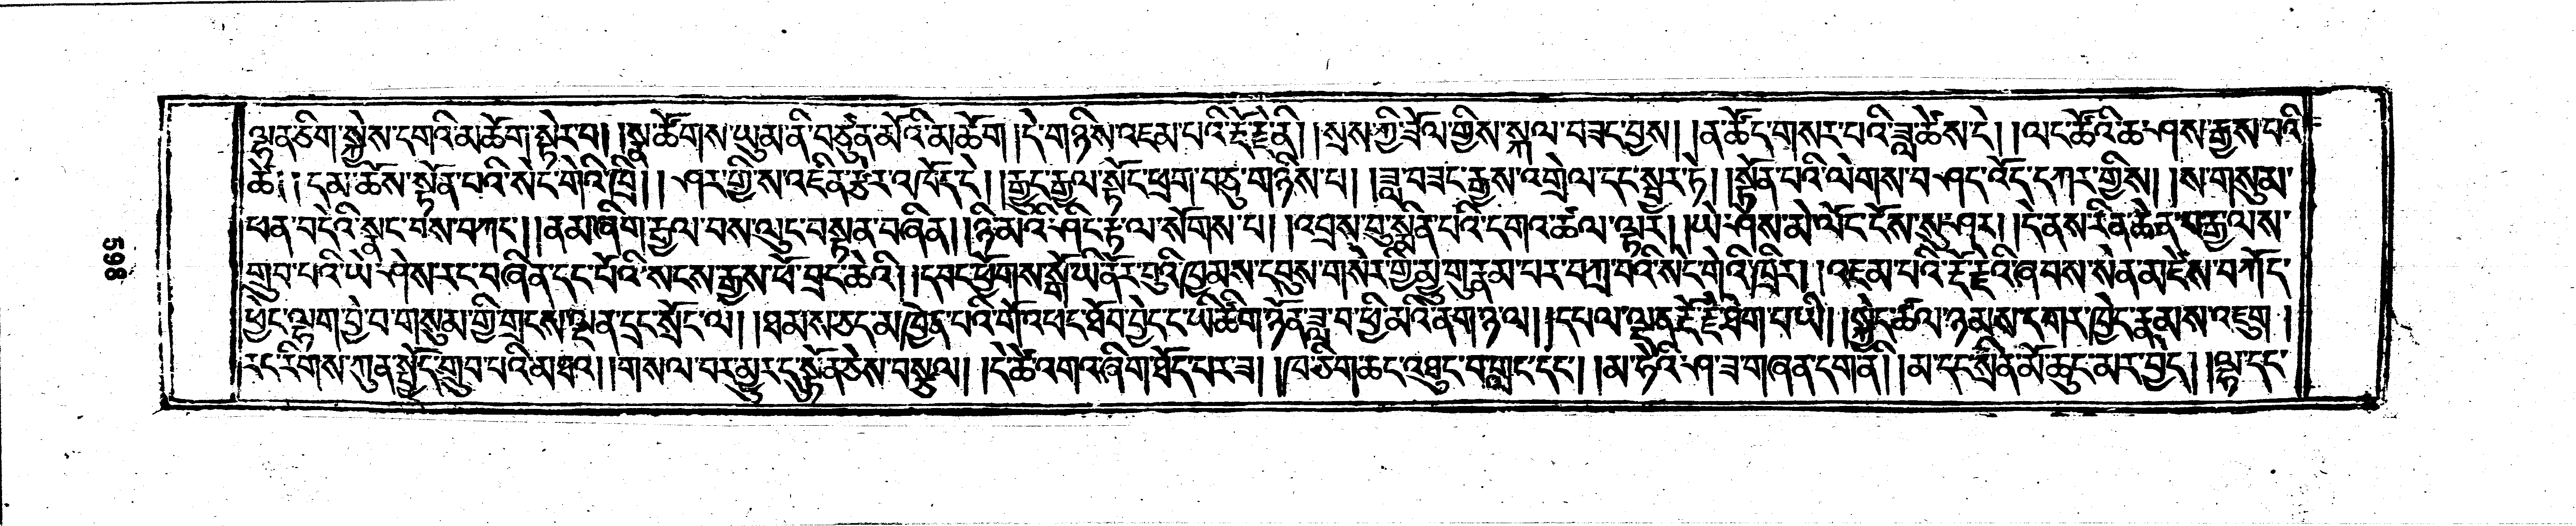ལྷན་ཅིག་སྐྱེས་དགའི་མཆོག་སྟེར་བ། །སྣ་ཚོགས་ཡུམ་ནི་བཙུན་མོའི་མཆོག །དེ་གཉིས་འཇམ་པའི་རྡོ་རྗེ་ནི། །སྲས་ཀྱི་ཟོལ་གྱིས་སྐལ་བཟང་བྱས། །ན་ཚོད་གསར་པའི་ཟླ་ཚེས་དེ། །ལང་ཚོའི་ཆ་ཤས་རྒྱས་པའི་
ཚེ། །དམ་ཆོས་སྟོན་པའི་སེང་གེའི་ཁྲི། །ཤར་གྱི་ས་འཛིན་རྩེར་འཁོད་དེ། །རྒྱུད་རྒྱལ་སྟོང་ཕྲག་བཅུ་གཉིས་པ། །ཟླ་བཟང་རྒྱས་འགྲོལ་དང་སྦྱར་ཏེ། །སྟོན་པའི་ལེགས་བཤད་འོད་དཀར་གྱིས། །ས་གསུམ་
ཕན་བདེའི་སྣང་བས་བཀང་། །ནམ་ཞིག་རྒྱལ་བས་ལུང་བསྟན་བཞིན། །ཉི་མའི་ཤིང་རྟ་ལ་སོགས་པ། །འབྲས་བུ་སྨིན་པའི་དགའ་ཚལ་ལྟར། །ཡེ་ཤེས་མེ་ལོང་ངོས་སུ་ཤར། །དེ་ནས་རིན་ཆེན་བརྒྱ་ལས་
གྲུབ་པའི་ཡེ་ཤེས་རང་བཞིན་དང་པོའི་སངས་རྒྱས་ཕོ་བྲང་ཆེའི། །དབང་ཕྱོགས་སྒོ་ཡི་ནོར་བུའི་ཁམས་དབུས་གསེར་གྱི་མྱུ་གུ་རྣམ་པར་བཀྲ་བའི་སེང་གེའི་ཁྲིར། །འཇམ་པའི་རྡོ་རྗེའི་ཞབས་སེན་མཛེས་བཀོད་
ཕྱེད་ལྷག་བྱེ་བ་གསུམ་གྱི་གྲངས་ལྡན་དྲང་སྲོང་ལ། །ཐམས་ཅད་མཁྱེན་པའི་གོ་འཕང་ཐོབ་བྱེད་དེ་ཡི་ཚིག་ཉོན་ཟླ་བ་ཕྱི་མའི་ནག་ཉ་ལ། །དཔལ་ལྡན་རྡོ་རྗེ་ཐེག་པ་ཡི། །སྐྱེད་ཚལ་ཉམས་དགར་ཁྱེད་རྣམས་འཇུག །
རང་རིགས་ཀུན་སྤྱོད་གྲུབ་པའི་མཐའ། །གསལ་བར་མྱུར་དུ་སྟོན་ཅེས་བསྩལ། །དེ་ཚེ་འགའ་ཞིག་ཐོད་པར་ཟ། །ཁ་ཅིག་ཆང་འཐུང་བ་གླང་དང་། །མ་ཧེའི་ཤ་ཟ་གཞན་དག་ནི། །མ་དང་སྲིན་མོ་ཆུང་མར་བྱེད། །ལྷ་དང་